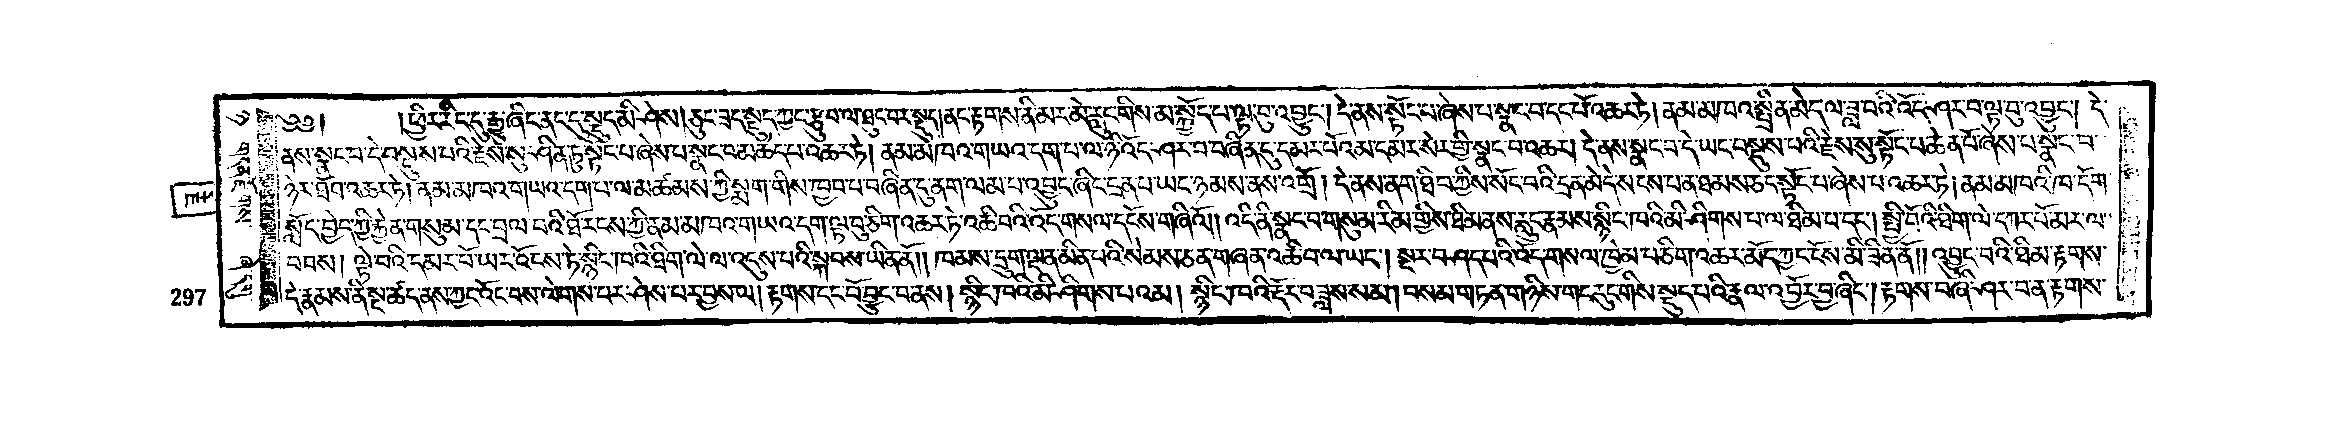༄༅། །ཕྱིར་རིང་དུ་རྒྱུ་ཞིང་ནང་དུ་སྡུད་མི་ཤེས། ཅུང་ཟད་སྡུད་ཀྱང་རྩུབ་ལ་ཐུང་བར་སྡུད། ནང་རྟགས་ནི་མར་མེ་རླུང་གིས་མ་སྐྱོད་པ་ལྟ་བུ་འབྱུང་། དེ་ནས་སྟོང་པ་ཞེས་པ་སྣང་བ་དང་པོ་འཆར་ཏེ། ནམ་མཁའ་སྤྲིན་མེད་ལ་ཟླ་བའི་འོད་ཤར་བ་ལྟ་བུ་འབྱུང་། དེ་
ནས་སྣང་བ་དེ་བསྡུས་པའི་རྗེས་སུ་ཤིན་ཏུ་སྟོང་པ་ཞེས་པ་སྣང་བ་མཆེད་པ་འཆར་ཏེ། ནམ་མཁའ་གཡའ་དག་པ་ལ་ཉི་འོད་ཤར་བ་བཞིན་དུ་དམར་པོའམ་དམར་སེར་གྱི་སྣང་བ་འཆར། དེ་ནས་སྣང་བ་དེ་ཡང་བསྡུས་པའི་རྗེས་སུ་སྟོང་པ་ཆེན་པོ་ཞེས་པ་སྣང་བ་
ཉེར་ཐོབ་འཆར་ཏེ། ནམ་མཁའ་གཡའ་དག་པ་ལ་མཚམས་ཀྱི་སྨག་གིས་ཁྱབ་པ་བཞིན་དུ་ནག་ལམ་པ་འབྱུང་ཞིང་དྲན་པ་ཡང་ཉམས་ནས་འགྲོ་།དེ་ནས་ནག་ཐིབ་ཀྱིས་སོང་བའི་དྲན་མེད་དེ་སངས་པ་ན་ཐམས་ཅད་སྟོང་པ་ཞེས་པ་འཆར་ཏེ། ནམ་མཁའི་ཁ་དོག་
སློང་བྱེད་ཀྱི་རྐྱེན་གསུམ་དང་བྲལ་བའི་ཐོ་རངས་ཀྱི་ནམ་མཁའ་གཡའ་དག་ལྟ་བུ་ཅིག་འཆར་ཏེ་འཆི་བའི་འོད་གསལ་དངོས་གཞིའོ། །འདི་ནི་སྣང་བ་གསུམ་རིམ་གྱིས་ཐིམ་ནས་རླུང་རྣམས་སྙིང་ཁའི་མི་ཤིགས་པ་ལ་ཐིམ་པ་དང་། སྤྱི་བོའི་ཐིག་ལེ་དཀར་པོ་མར་ལ་
བབས། ལྟེ་བའི་དམར་པོ་ཡར་འོངས་ཏེ་སྙིང་ཁའི་ཐིག་ལེ་ལ་འདུས་པའི་སྐབས་ཡིན་ནོ། །ཁམས་དྲུག་ལྡན་མིན་པའི་སེམས་ཅན་གཞན་འཆི་བ་ལ་ཡང་། སྔར་བཤད་པའི་འོད་གསལ་ཁྱེམ་པ་ཅིག་འཆར་མོད་ཀྱང་ངོས་མི་ཟིན་ནོ། །འབྱུང་བའི་ཐིམ་རྟགས་
དེ་རྣམས་ནི་སྔ་ཚད་ནས་ཀྱང་འོང་བས་ལེགས་པར་ཤེས་པར་བྱས་ལ། རྟགས་དང་པོ་བྱུང་བ་ནས། སྙིང་ཁའི་མི་ཤིགས་པའམ། སྙིང་ཁའི་རྡོར་བཟླས་སམ། བསམ་གཏན་གཉིས་གང་རུང་གིས་སྡུད་པའི་རྣལ་འབྱོར་བྱ་ཞིང་། རྟགས་བཞི་ཤར་བ་ན་རྟགས་